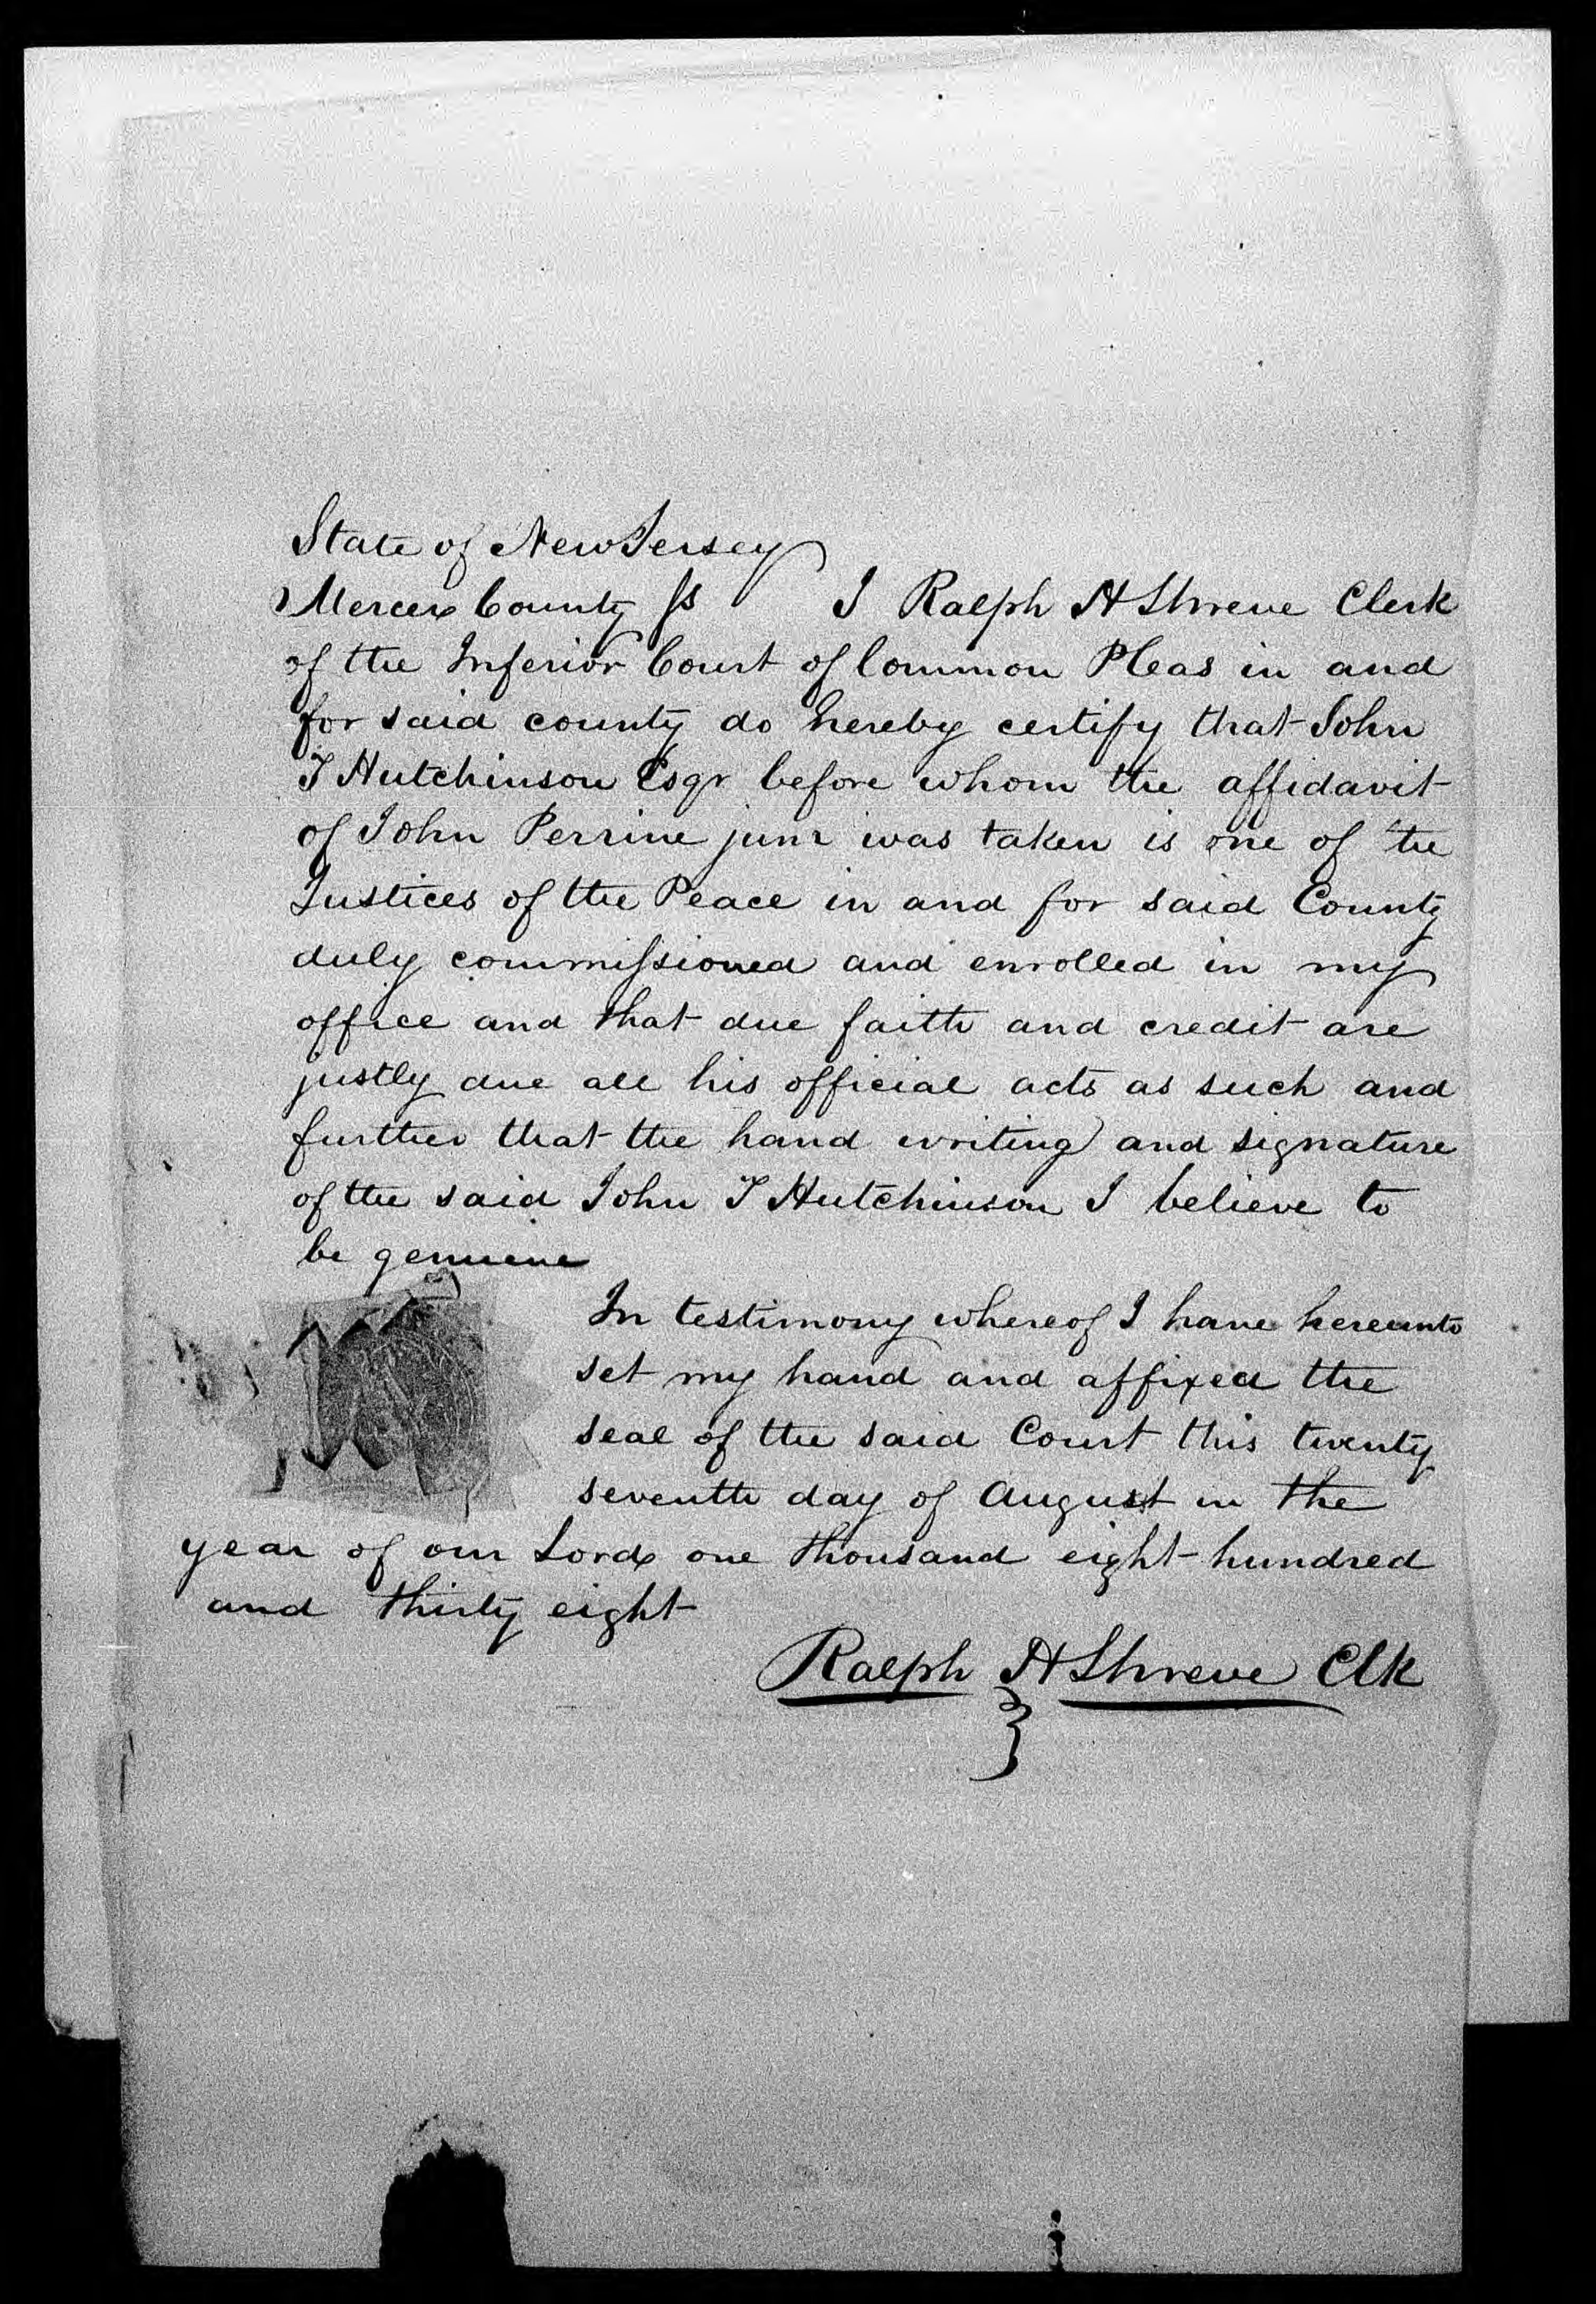State of New Jersey
Mercer County ss
I Ralph H Shreve Clerk of the Inferior Court of Common Pleas in and for said County do hereby certify that John T. Hutchinson Esqr before whom the affidavit of John Perrine Junr was taken is one of the Justices of the Peace in and for said County duly commissioned and enrolled in my office and that due faith and credit are justly due all his official acts as such and further that the hand writing and signature
of the said John J Hutchinson I believe to
be genuine

In testimony whereof I have hereunto
set my hand and affixed the
seal of the said Court this twenty
seventh day of August in the year 
of our Lord one thousand eight hundred
and thirty eight
Ralph H Shreve Clk
[seal affixed at left]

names: Ralph H Shreve, John Perrine, John T Hutchinson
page: 3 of 34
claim: widow's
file: W. 940, John Hulshart, New Jersey